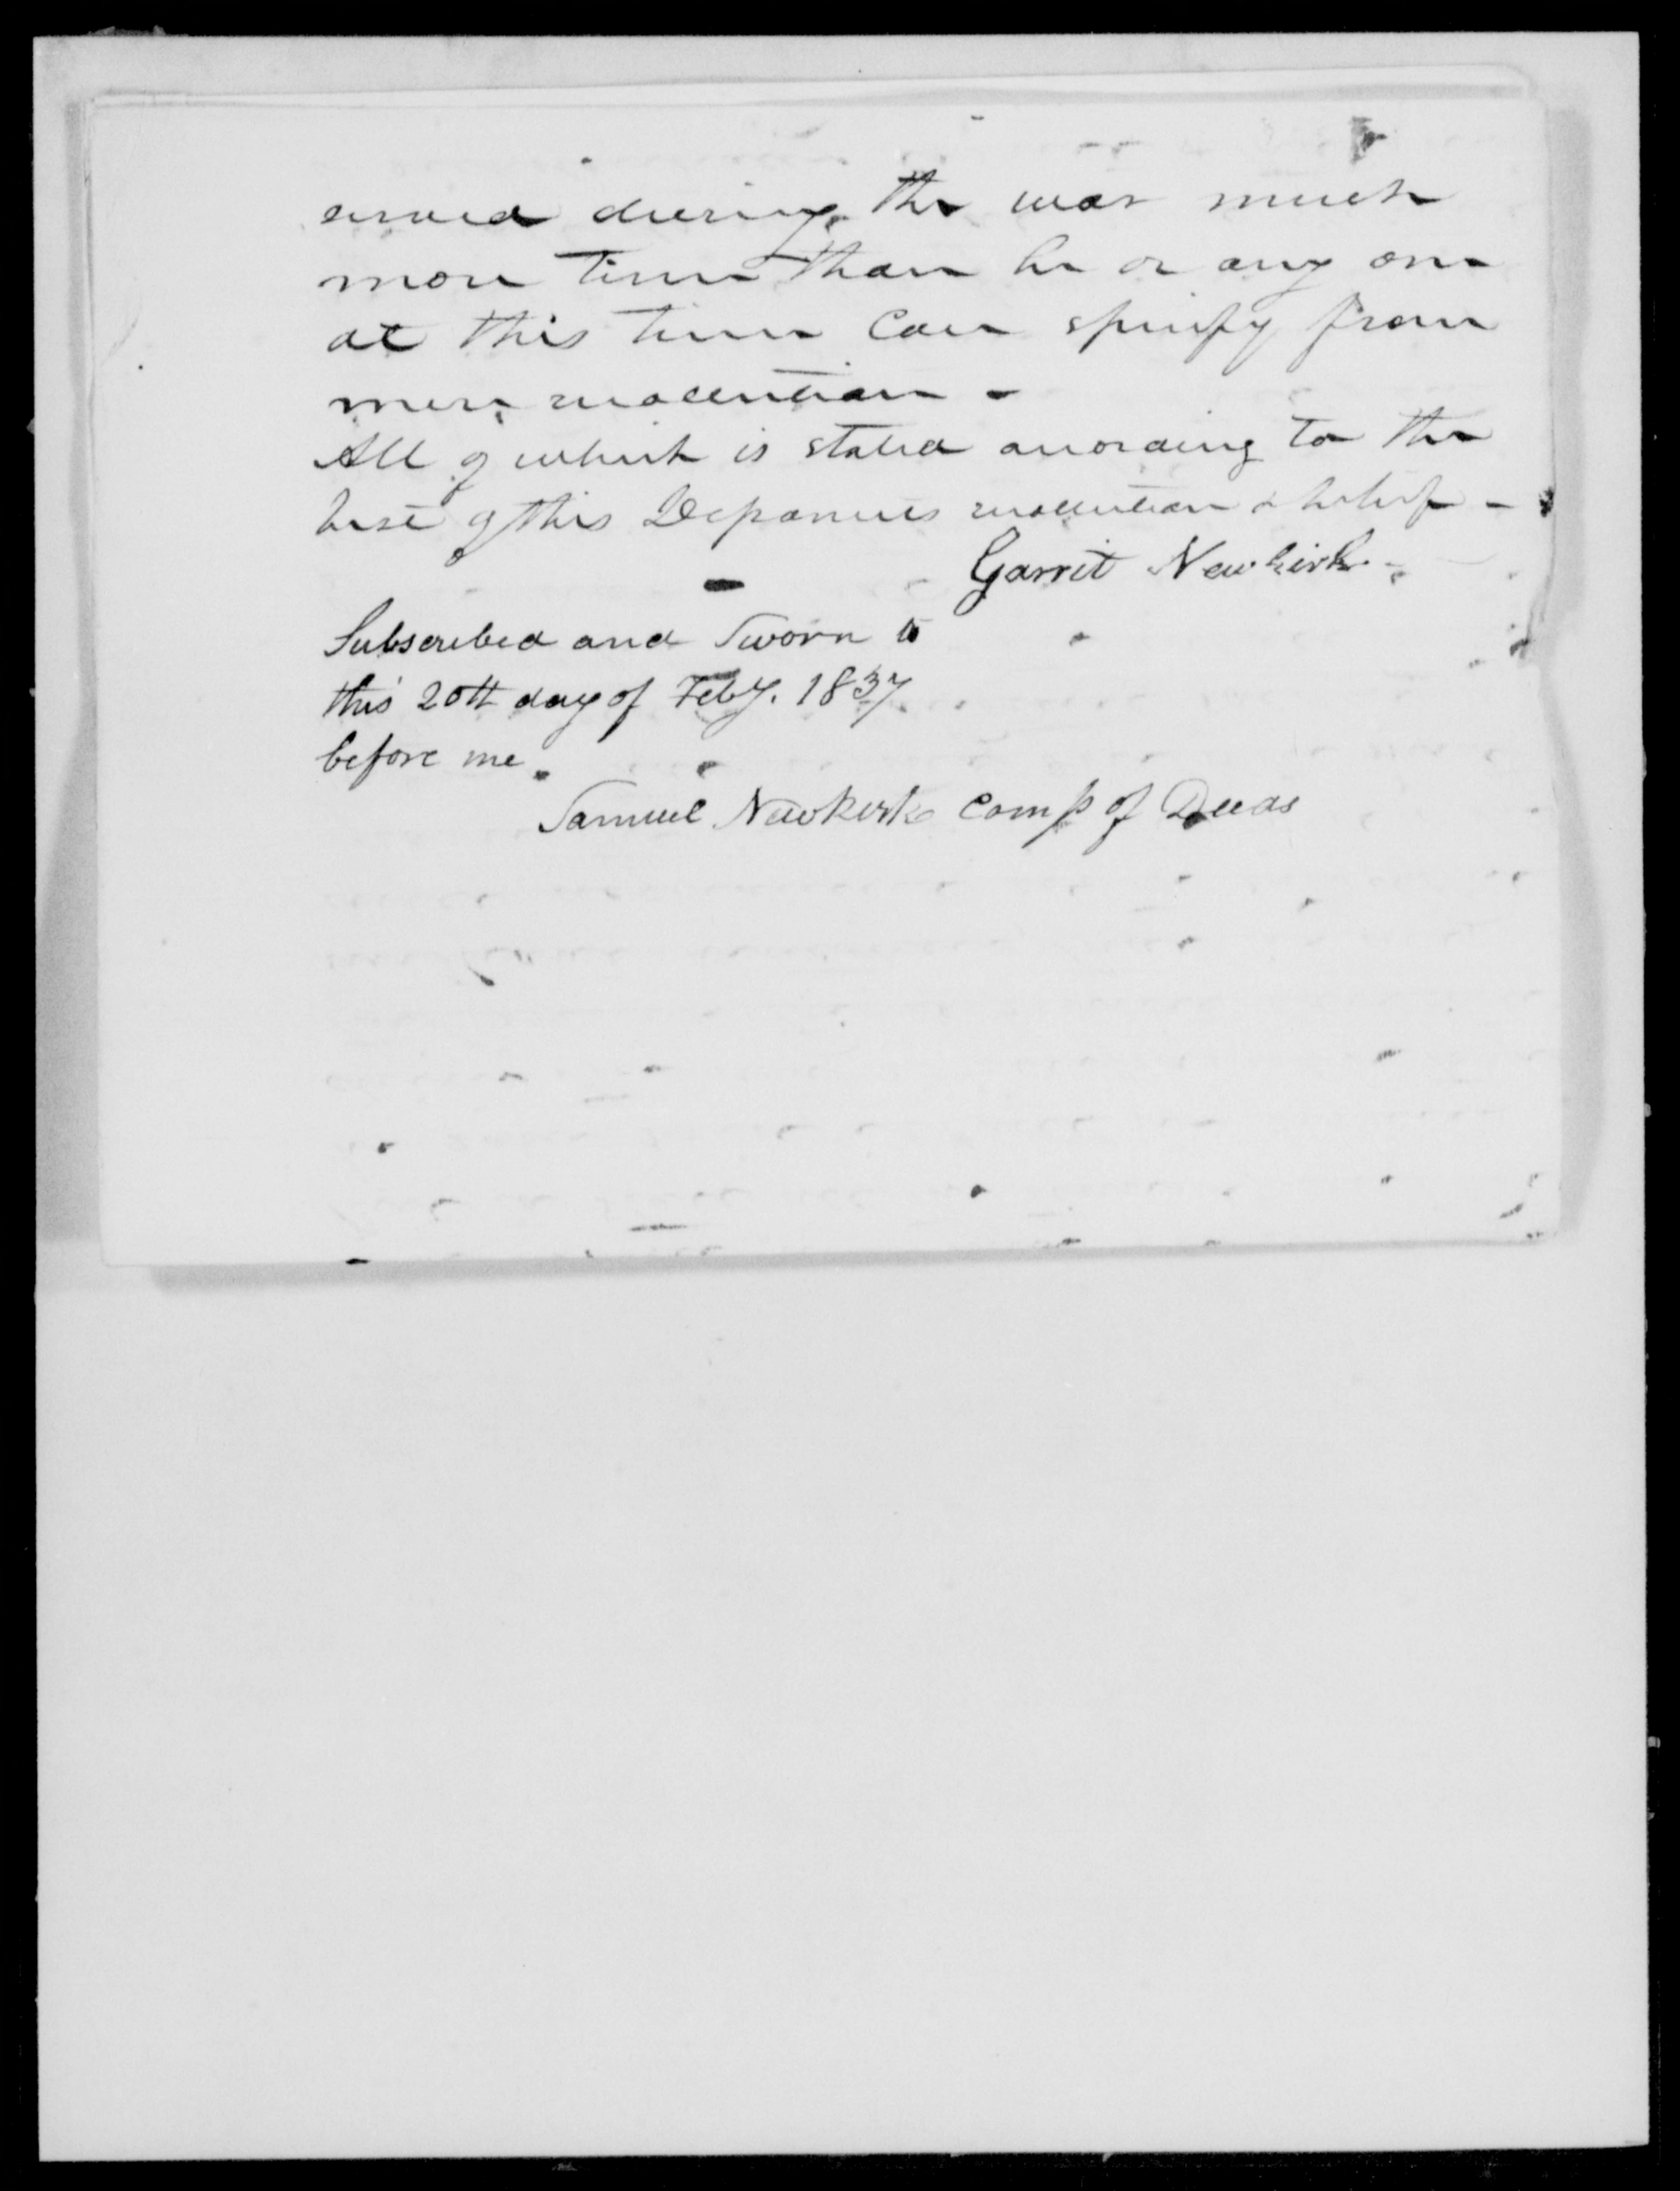served during the war much more time than he or any one at this time can specify from mere recollection – 
All of which is stated according to the best of this Deponents recollection & belief – 
[signed] Garrit Newkirk 
Subscribed and sworn to this 20th day of Feby. 1837. before me 
[signed] Samuel Newkirk Comss of Deeds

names: Samuel Newkirk, Garrit Newkirk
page: 54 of 57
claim: survivor's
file: S. 28,925, Albert Van Housen, New York